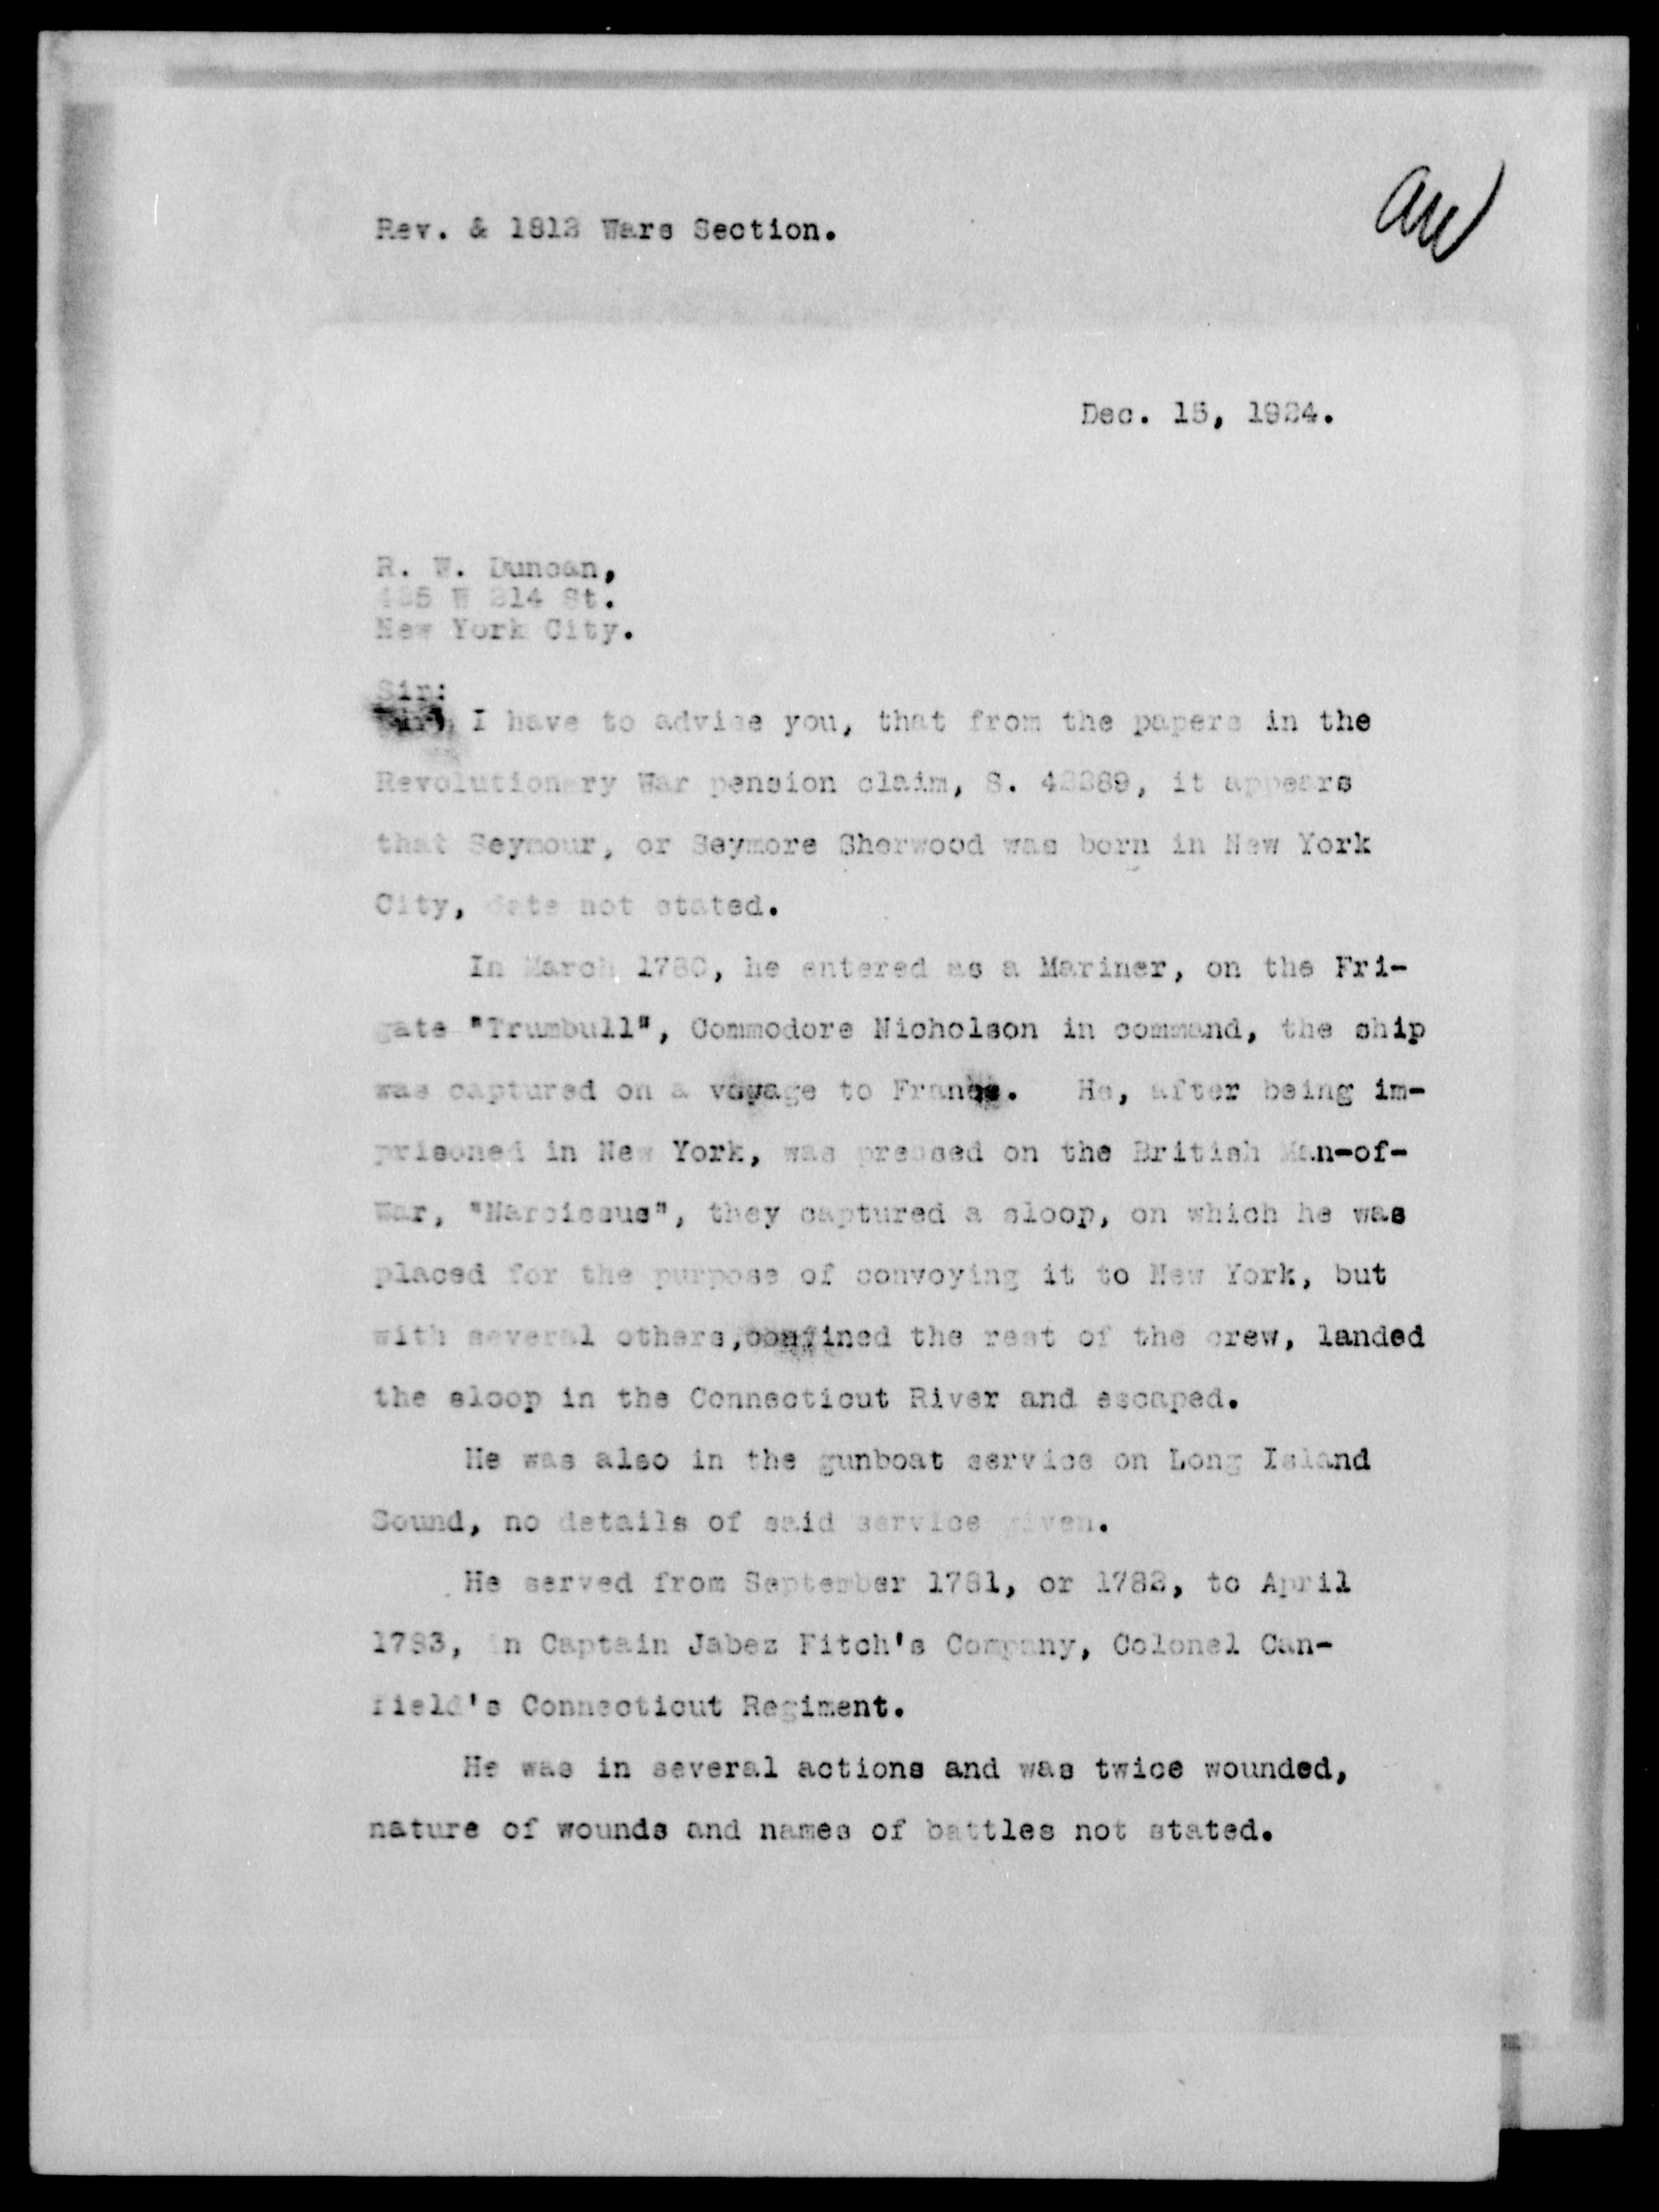AW
Rev. & 1812 Wars Section. 
Dec. 15, 1924
R. W. Duncan, 
485 W. 214  St. 
New York City. 
Sir:
I have to advise you that from the papers in the An Revolutionary War pension claim, S. 42289, it appears that Seymour, or Seymore Sherwood was born in New York City , date not stated. 
In March 1782, he entered as a Mariner, on the Frigate “Trumbull”,  Commodore Nicholson in command, the ship was captured on a voyage to France. He, after being imprisoned in New York, was pressed on the British man-of-war, “Narcissus", they captured a sloop, on which he was placed for the purpose of conveying it to New York, but with several others, confined the rest of the crew, landed the sloop in the Connecticut River and escaped. 
He was also in the gunboat service on Long Island Sound, no details of said service given. 
He served from September 1781, or 1782, to April 1783, in Captain Jabez Fitch's Company, Colonel Canfield 's Connecticut Regiment. 
He was in several actions and was twice wounded, nature of wounds and names of battles not stated.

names: Seymour Sherwood; [BLANK] Nicholson; R W Duncan; [BLANK] Narcissus; Seymore Sherwood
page: 29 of 30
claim: survivor's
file: S. 42289, for Seymore Sherwood, Connecticut